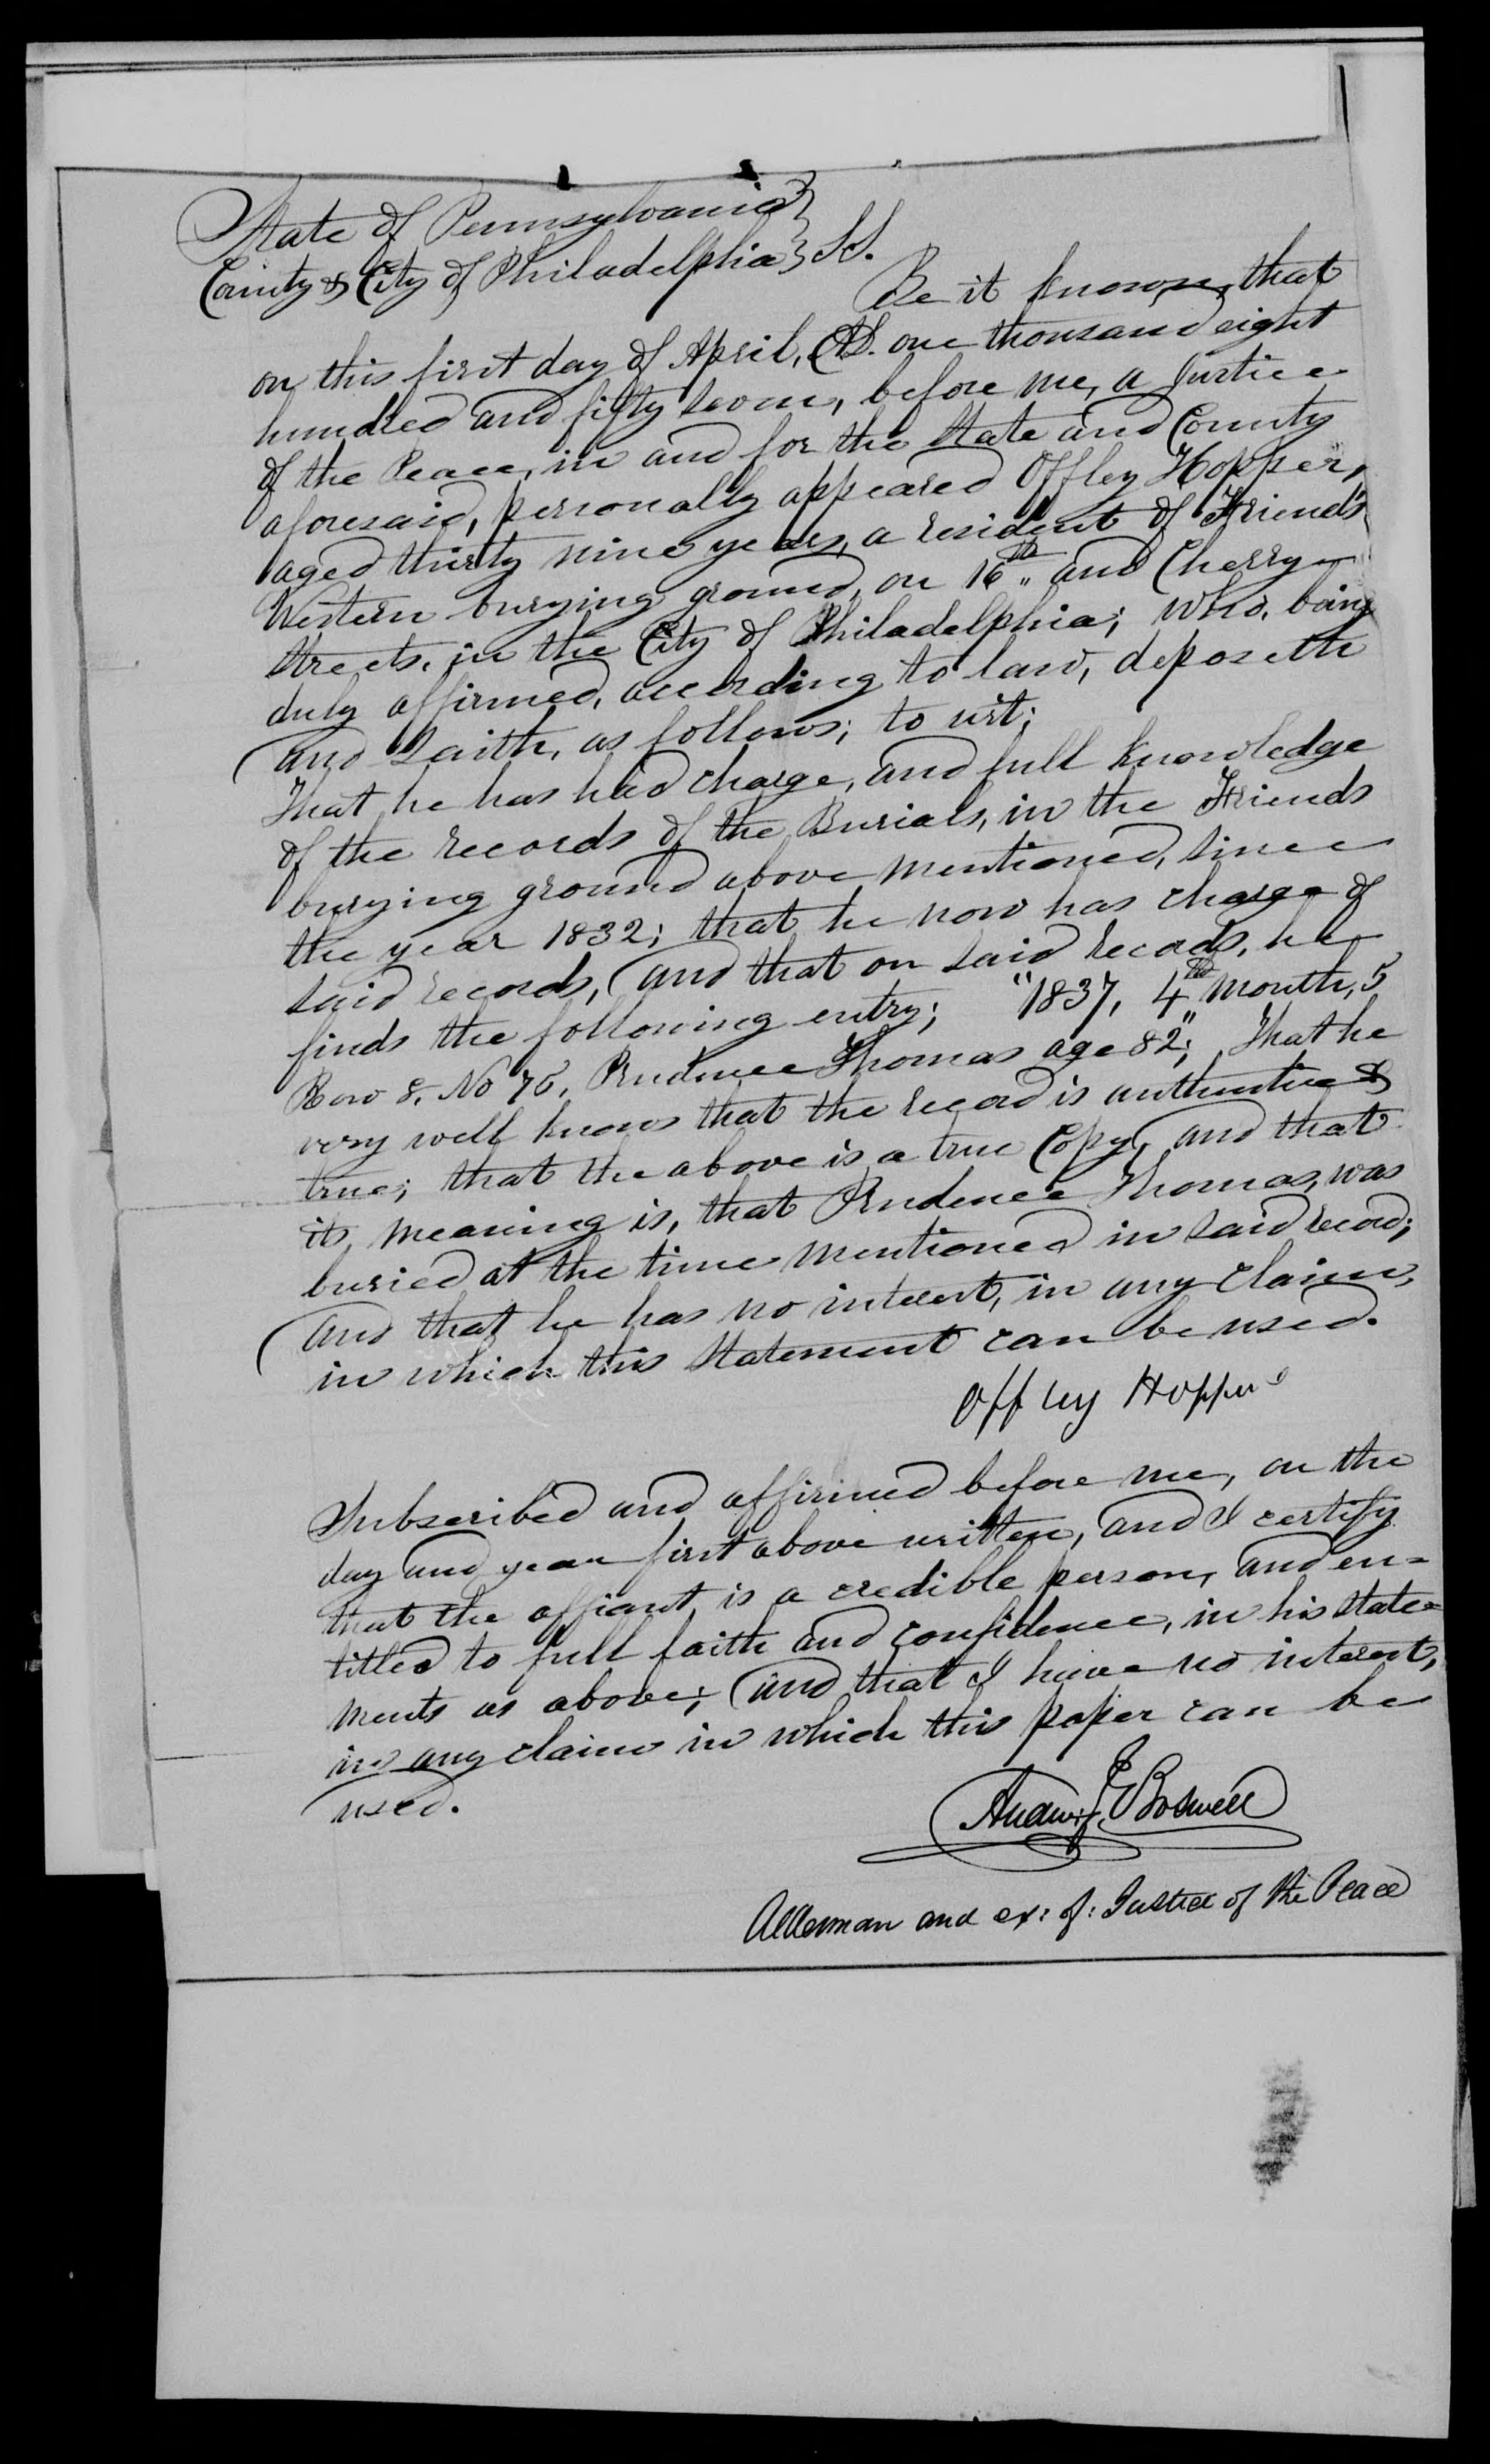State of Pennsylvania
County of City of Philadelphia
Be it known that on this first day of April, AD. one thousand eight hundred and fifty seven before me, a Justice of the Peace, in and for the State and County aforesaid, personally appeared Offley Hopper, aged thirty nine years, a resident of Friends Western burying ground on 16th and Cherry Streets in the City of Philadelphia, who being duly affirmed according to law deposeth and saith as follows; to wit; 
that he has had charge and full knowledge of the records of the Burials, in the Friends burying ground above mentioned since the year 1832; that he now has charge of the said records and that on said records he finds the following entry; “1837, 4 months, 5 boro 8, No 76, Prudence Thomas age 82”; that he very well knows that the record is authentic and true; that the above is a true copy and that its meaning is, that Prudence Thomas was buried at the time mentioned in said record; and that he has no interest, in any claims, in which this statement can be used.
Offley Hopper
Subscribed and affirmed before me, on the day and year first above written and I certify that the affient is a credible person and entitled to full faith and confidence, in his statements as above; and that I have no interest in any claims in which this paper can be used. 
Andrew E. Boswell
Alleman and ex: of: Justice of the Peace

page: 24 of 25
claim: rejected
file: R. 10513, for Edward Thomas, New Jersey